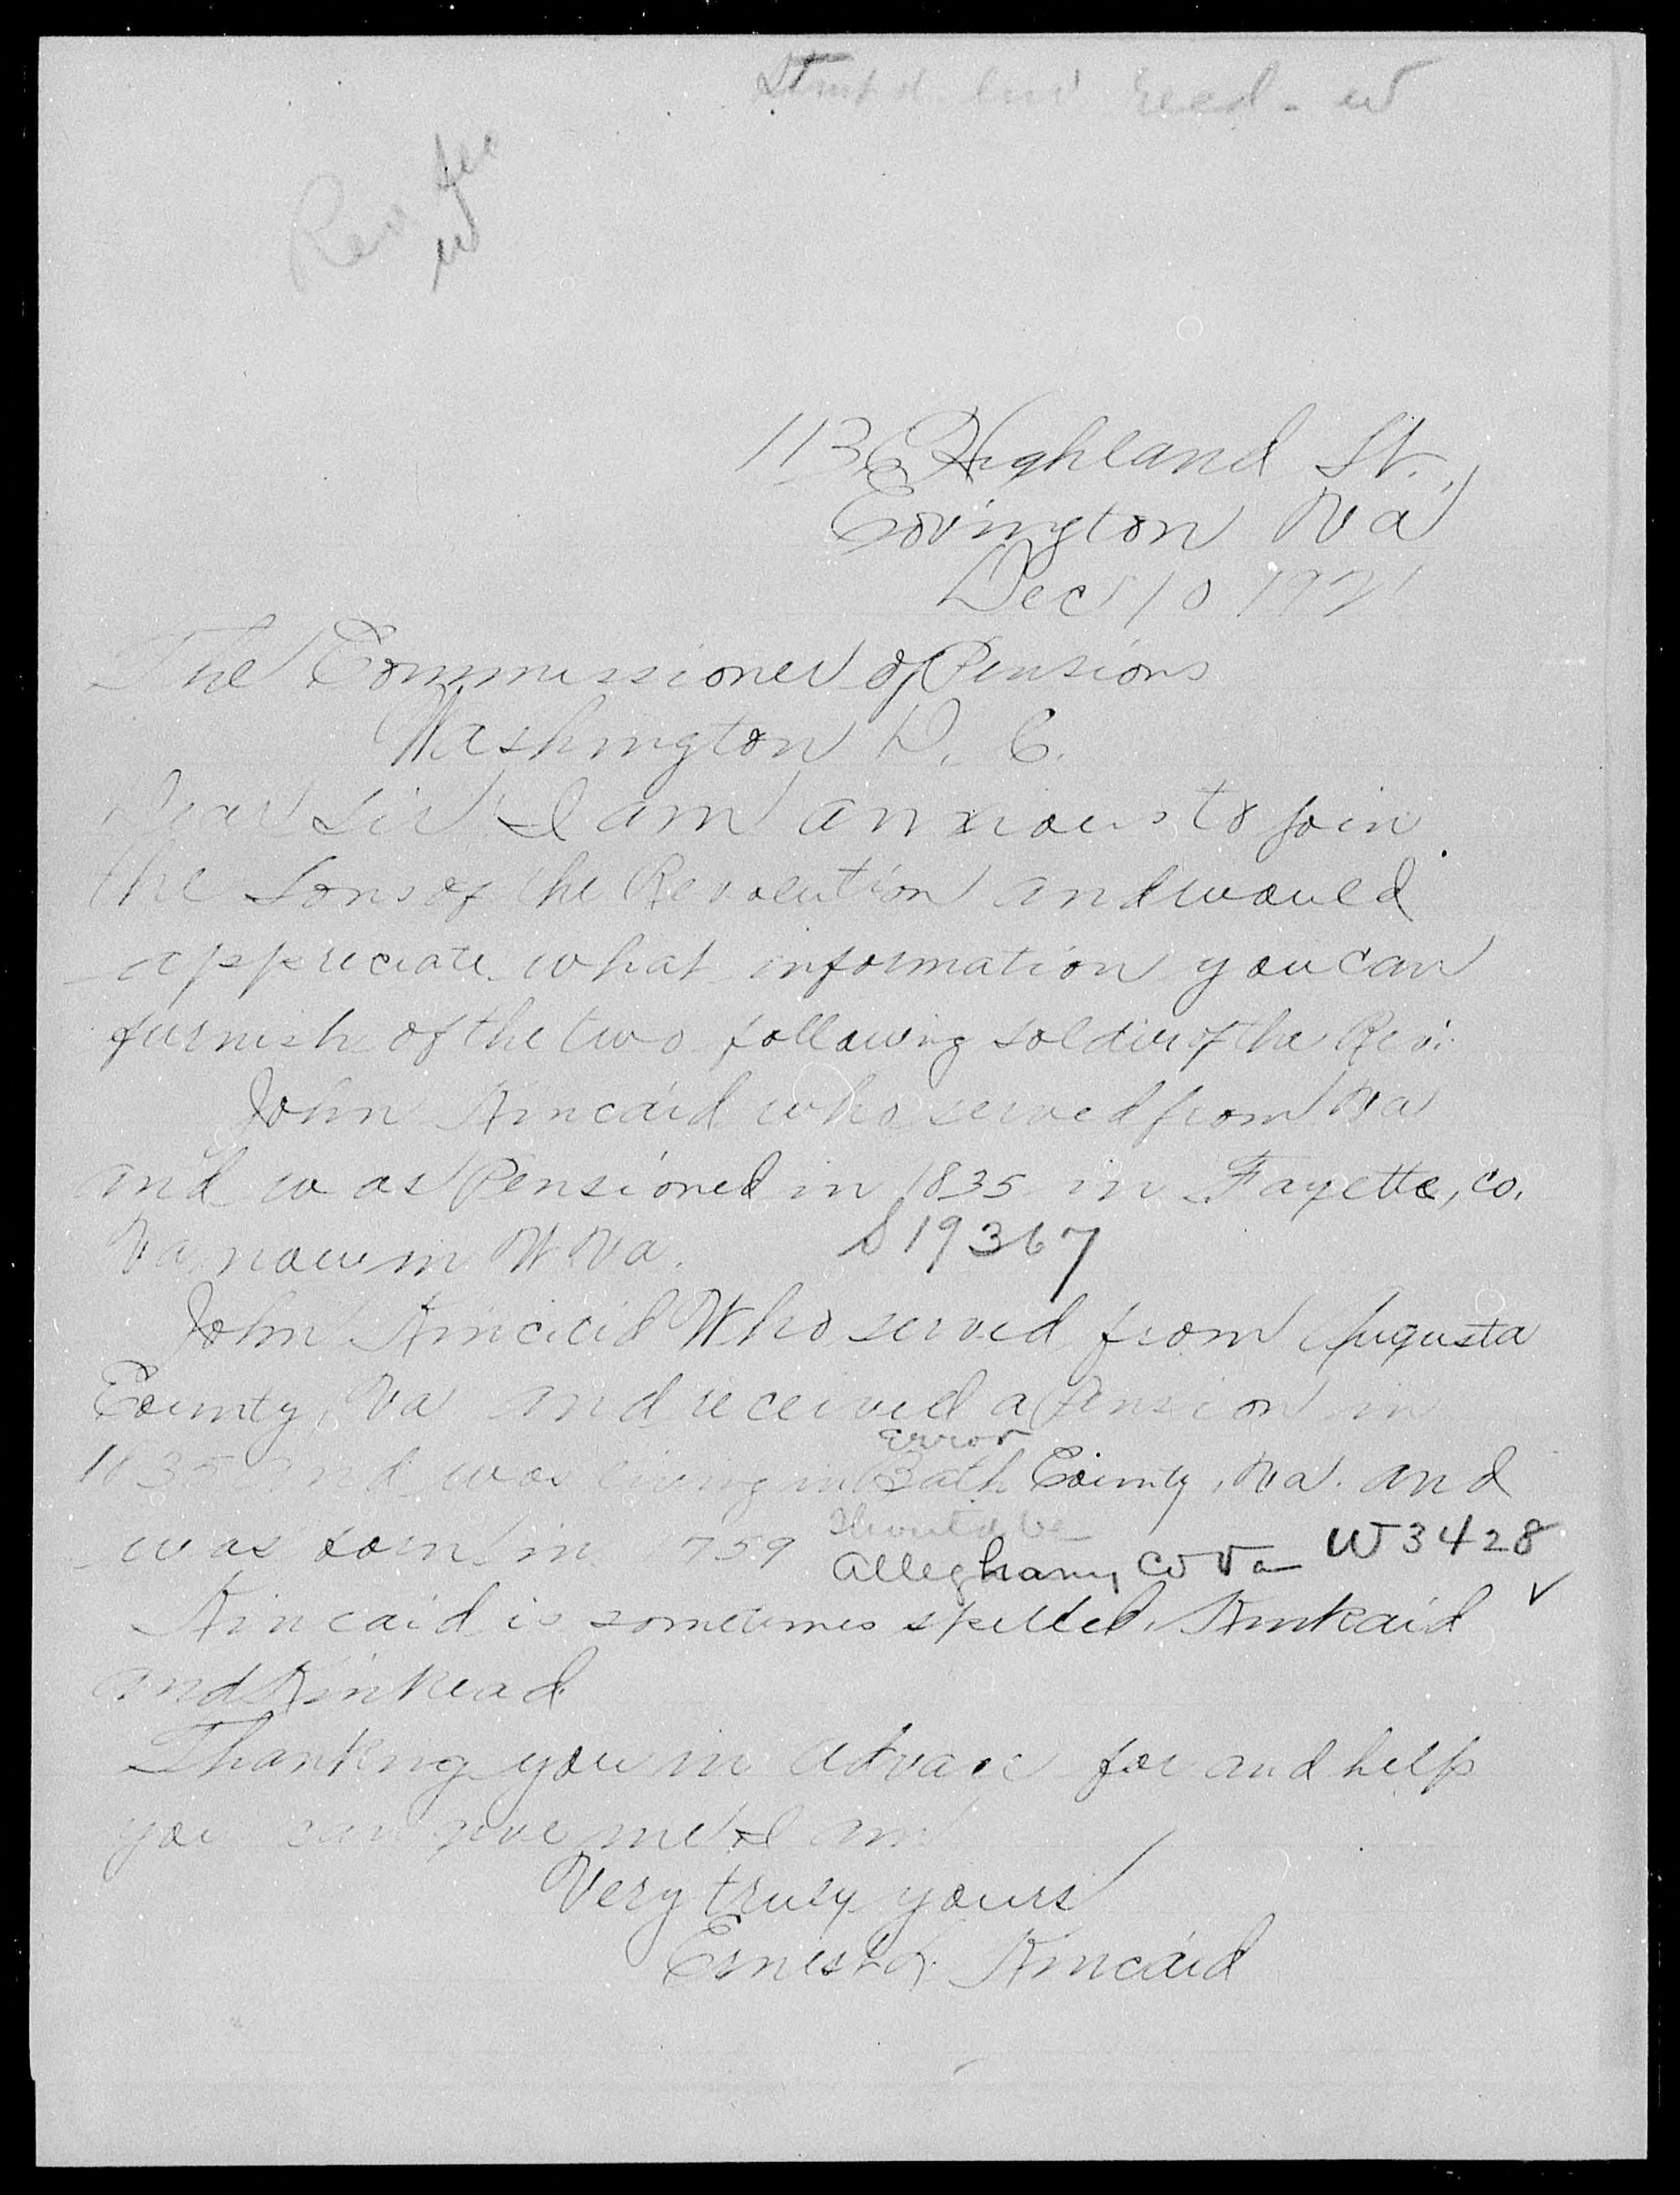Rev. section


1136 Highland St.
Covington, Va.
Dec. 10, 1821

The Commissioner of Pensions
Washington, D.C.


Dear Sir,  I am anxious to join the Sons of the Revolution and would appreciate what information you can furnish of the two following soldiers of the Revolution.

John Kincaid who served from 1780 and was pensioned in 1835 in Fayette Co. Va now in W. Va. S 19637

John Kincaid who served from Augusta County Va, and received a pension in 1835 and was living in Bath County, Va. (Error) and was born in 1759 Alleghany Co, Va W3428
Kincaid is sometimes spelled Kinkaid and Kinkead.
Thanking you in advance for any help you can give me.  
I am 
Very truly yours,
Ernest Kincaid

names: John Kincaid; Ernest Kincaid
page: 9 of 33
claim: survivor's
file: S. 19367, for John Kincaid, Virginia